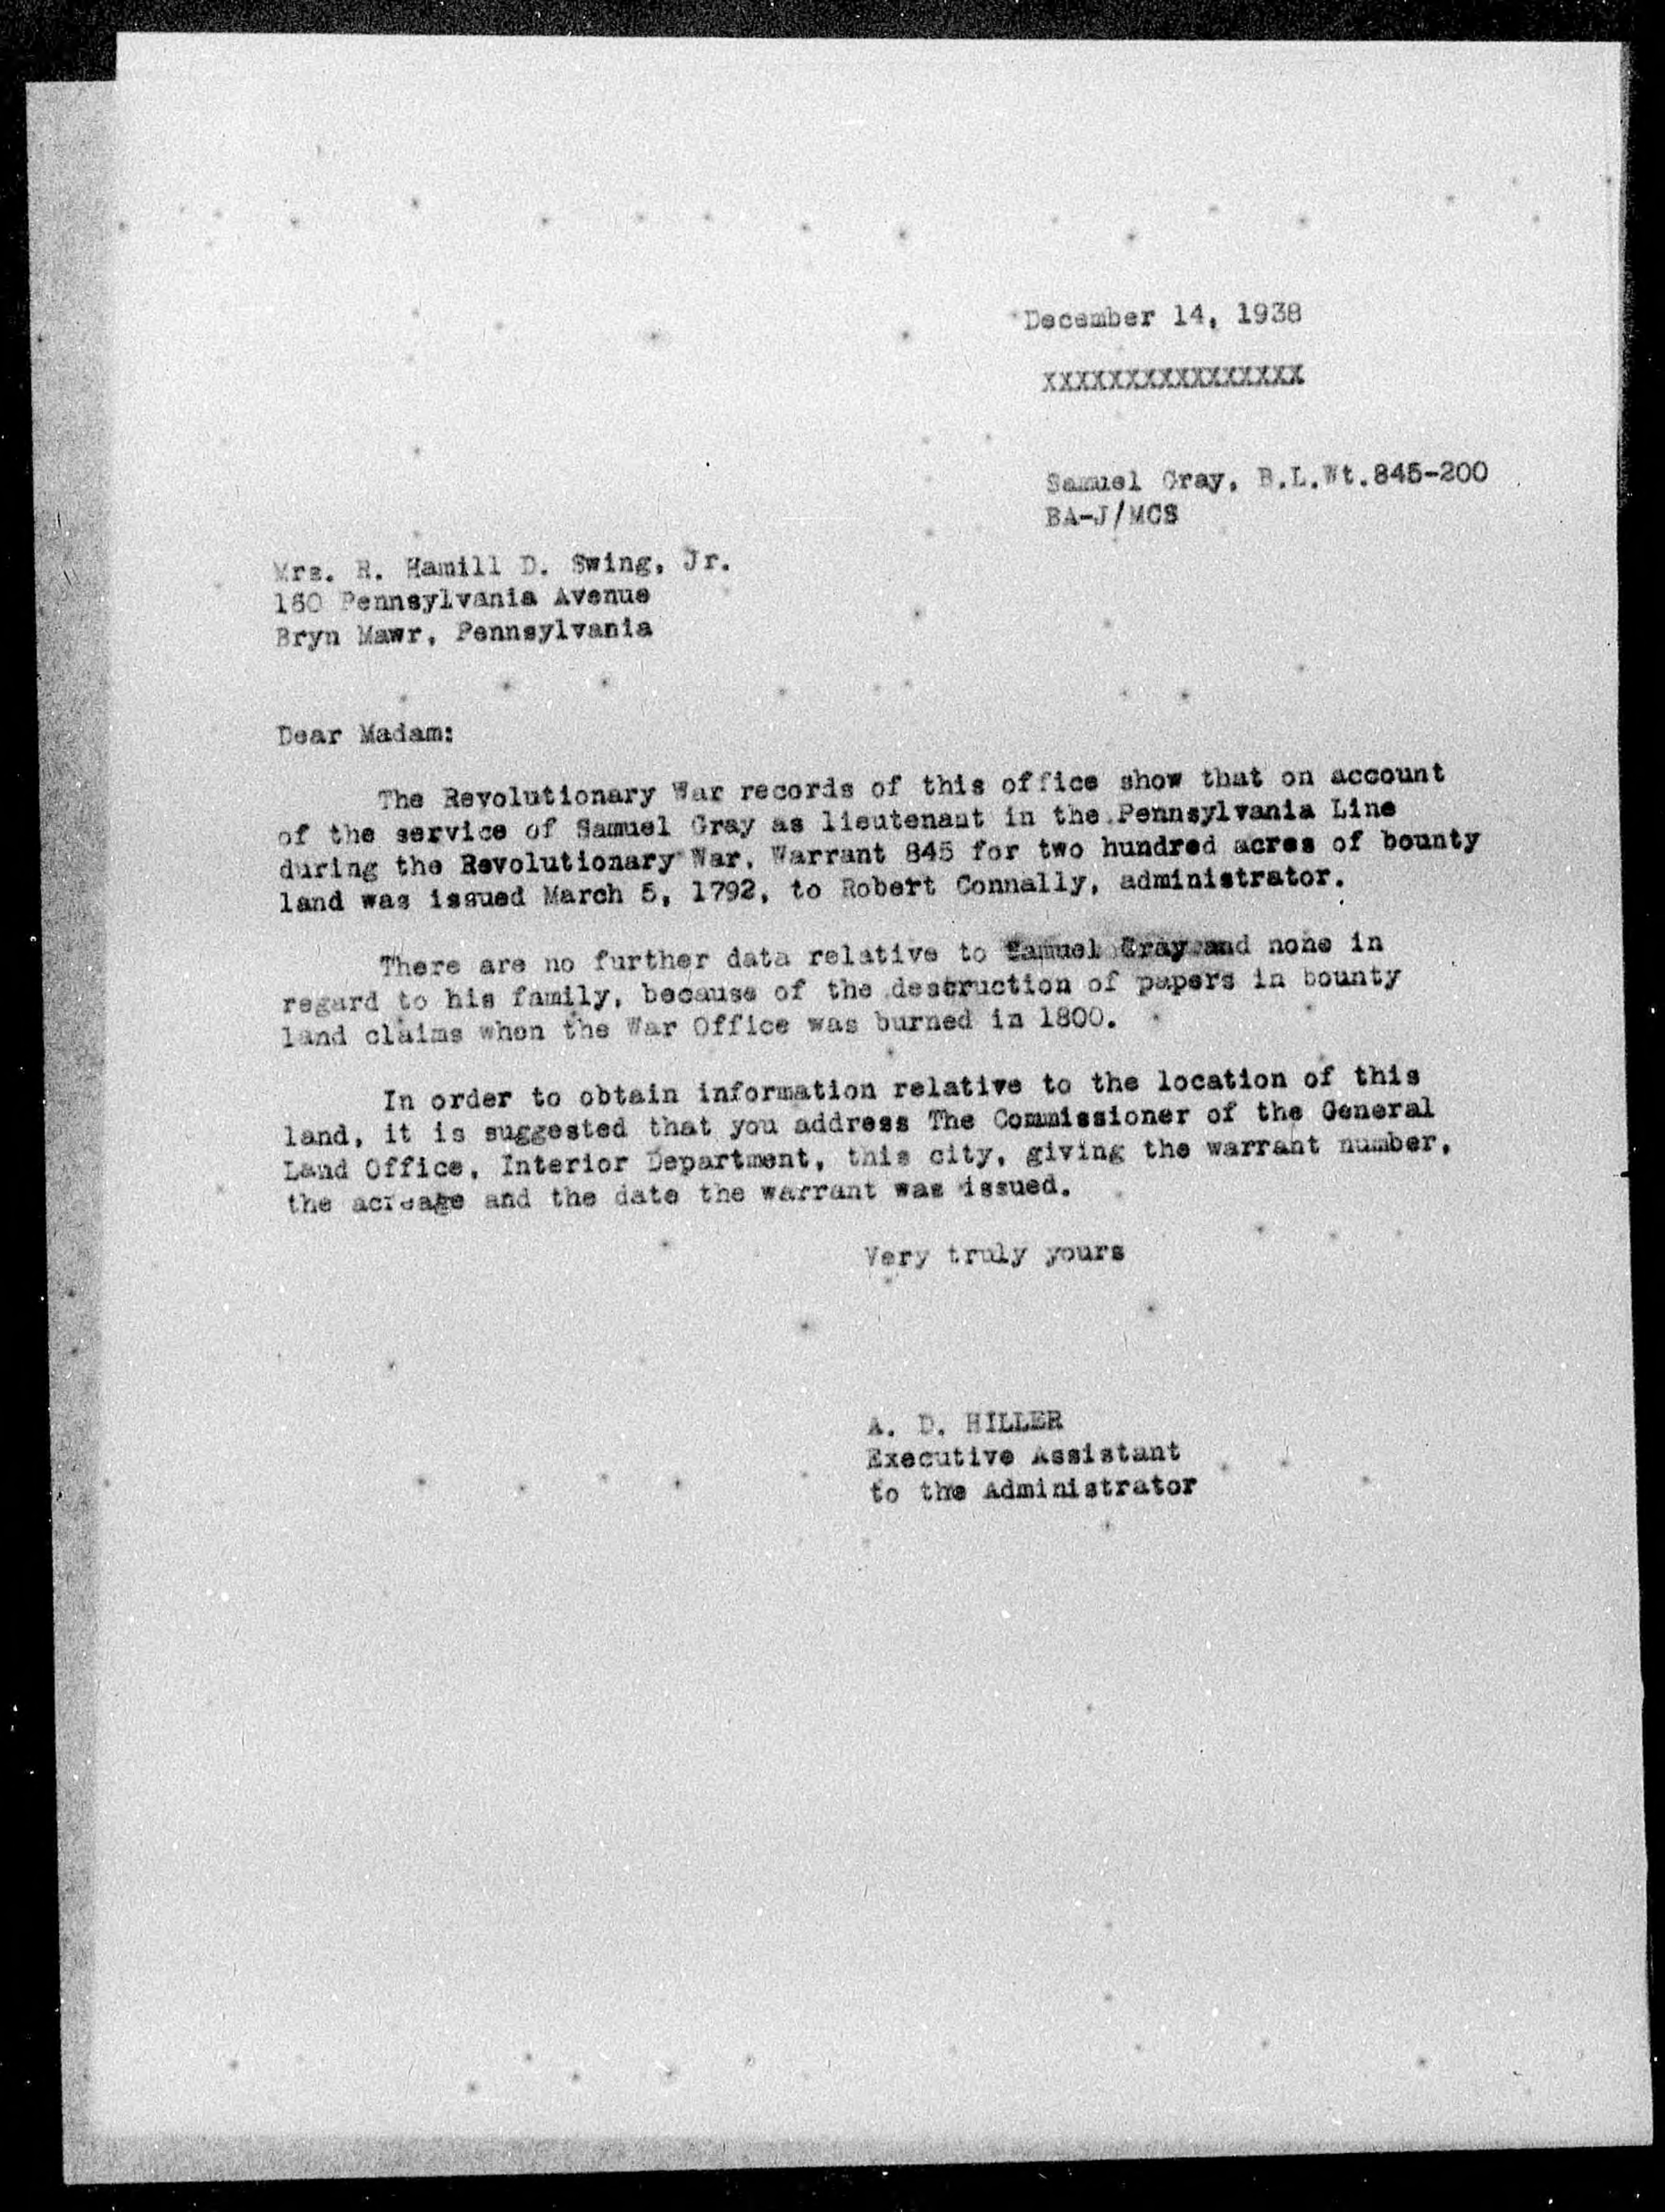December 14, 1938
xxxxxxxxxxxxxxxxxx

Samuel Gray, B.L.Wt. 845-200
BA-J/MCS

Mrs. R. Hamill D. Swing, Jr.
160 Pennsylvania Avenue
Bryn Mawr, Pennsylvania

Dear Madam:

The Revolutionary War records of this office show that on account of the service of Samuel Gray as lieutenant in the Pennsylvania Line during the Revolutionary war, Warrant 845 for two hundred acres of bounty land was issued March 5, 1792, to Robert Connally, administrator.

There are no further data relative to Samuel Gray and none in regard to his family, because of the destruction of papers in the bounty land claims when the War Office was burned in 1800.

In order to obtain information relative to the location of this land, it is suggested that you address The Commissioner of the General Land Office, Interior Department, this city, giving the warrant number, the acreage and the date the warrant was issued.

Very truly yours

A. D. HILLER
Executive Assistant
to the Administrator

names: Samuel Gray, A D Hiller, R Hamill D Swing, Robert Connally, Samuel Gray, Samuel Gray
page: 4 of 7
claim: bounty land warrant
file: B. L. Wt. 845-200, Samuel Gray, Penn